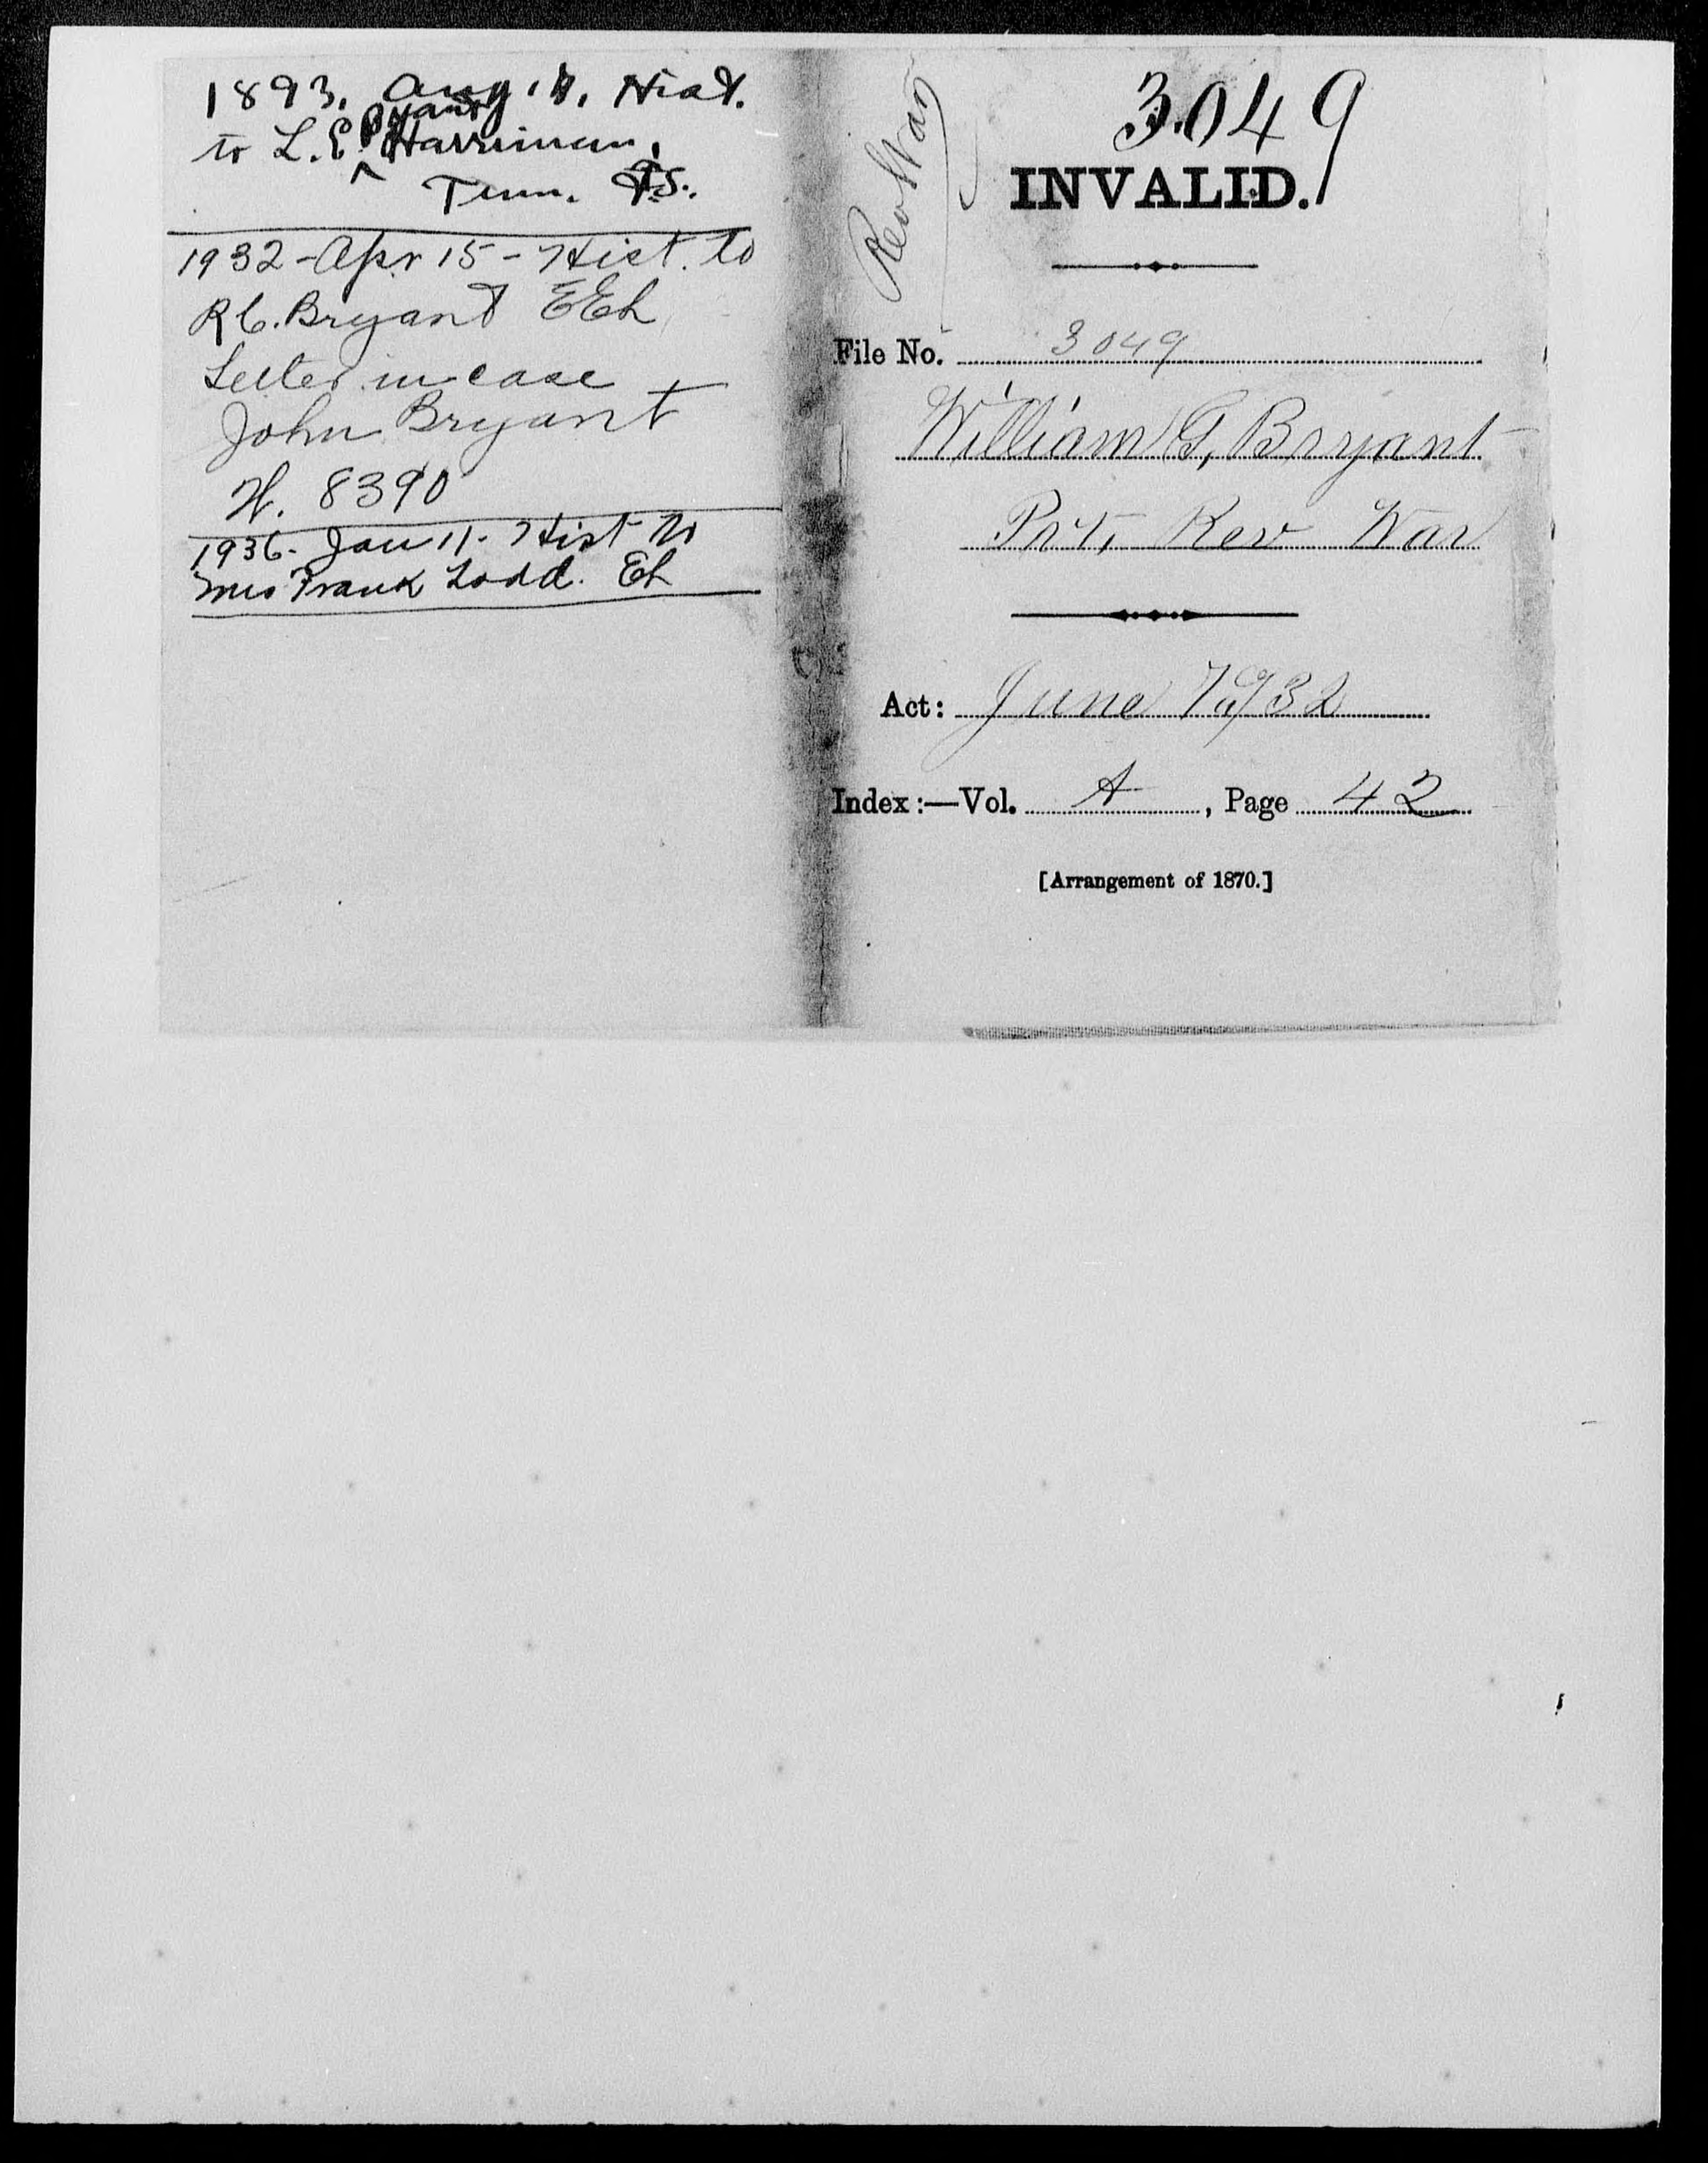[file form - handwritten notes on L side w/ lines under each section] 
1893, Aug. 3, Hist to L. E. Bryant
[Harrison], Tenn. [J. S. ]

1932 - Apr 15 - Hist. to R. C. Bryant [EEH initials], Letter in case
John Bryant
W 8390

1936. Jan 11. Hist to Mrs Frank Todd. [EL initials]

[Right side-file form w/ responses handwritten]
[Rev War handwritten near top of page]
3049
INVALID
File No.  3049
William G. Bryant
Prt. Rev War

Act: June [7], 1932
Index: Vol. A, Page 42

Arrangement of 1870.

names: R C Bryant, William G Bryant, John Bryant, Frank Todd, L E Bryant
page: 17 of 31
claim: survivor's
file: S. 3049, William G Bryant, Va.